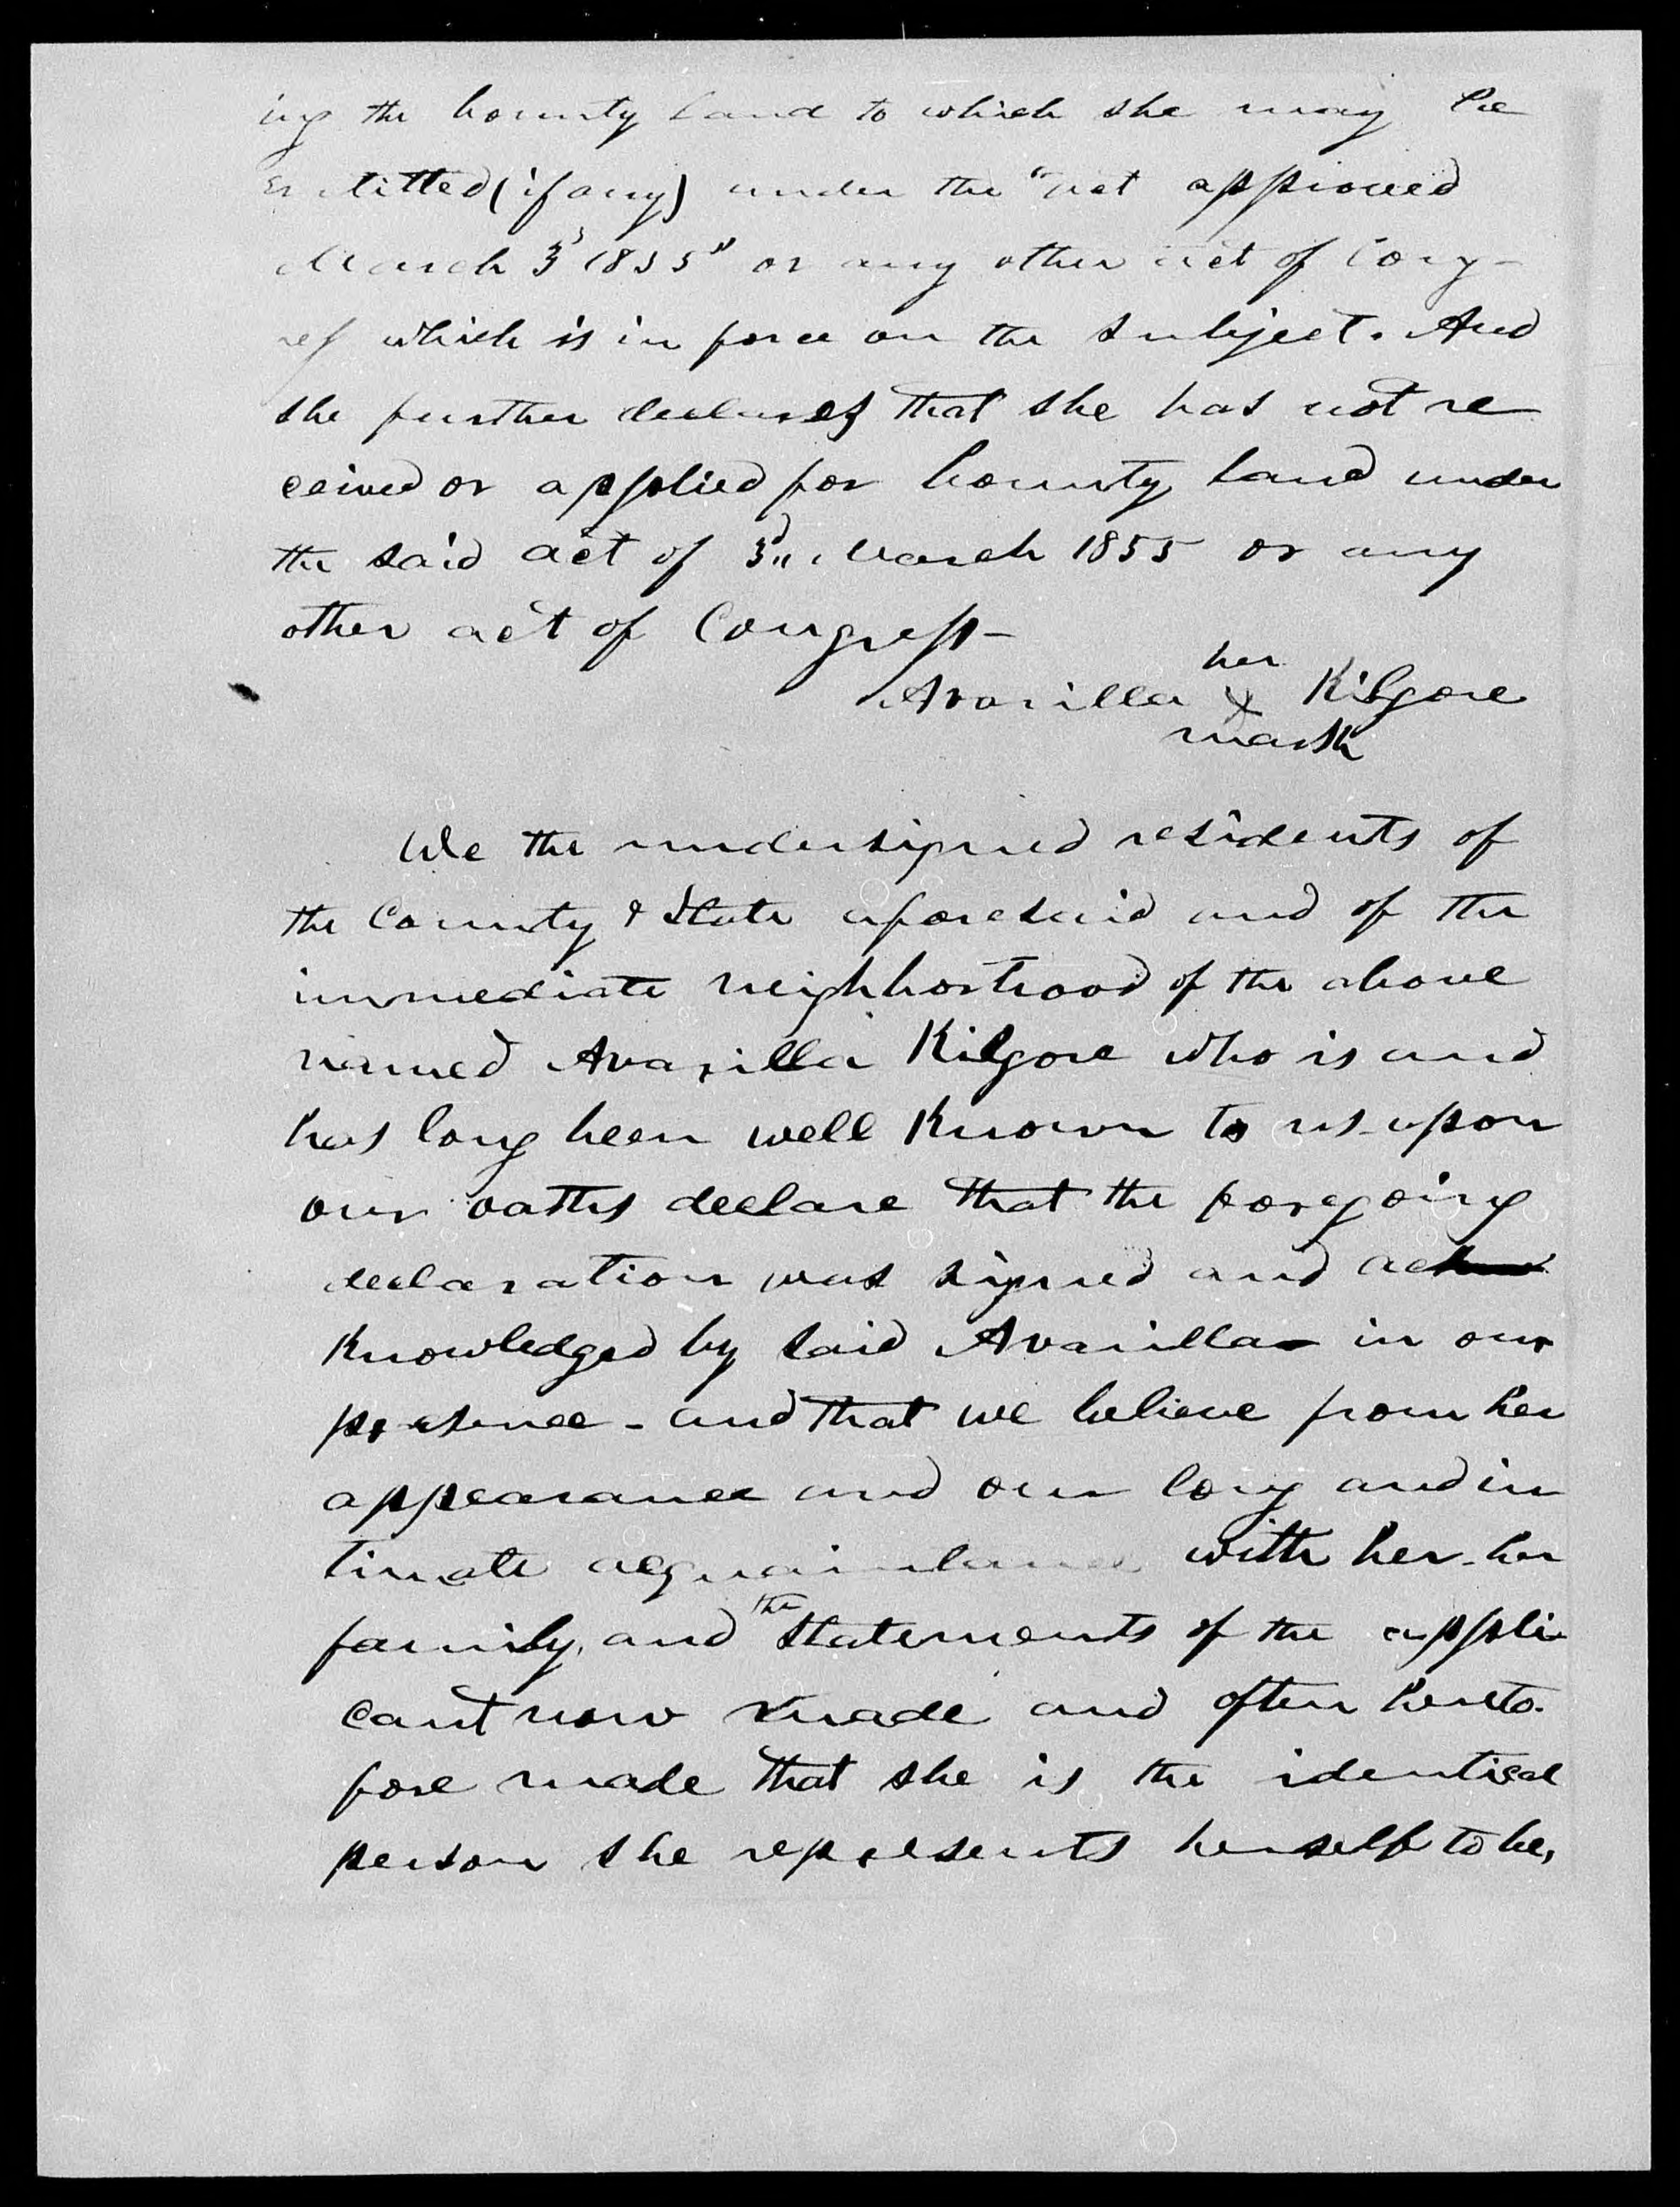ing the bounty land to which she may be entitled (if any) under the "act approved March 3d 1835" or any other act of Congress which is in force on the subject. And she further declares that she has not received or applied for bounty land under the said act of 3d March 1855 or any other act of Congress.
Avarilla Kilgore, her X mark

We the undersigned residents of the County & State aforesaid and of the immediate neighborhood of the above named Avarilla Kilgore who is and has long been well known to us upon our oaths declare that the foregoing declaration was signed and acknowledged by said Avarilla in our presence, and that we believe from her appearance and our long and intimate acquaintance with her, her family, and statements of the applicant now made and often heretofore made that she is the identical person she represents herself to be,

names: Avarilla Kilgore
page: 58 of 115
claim: survivor's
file: S. 699, for Charles Kilgore, Virginia